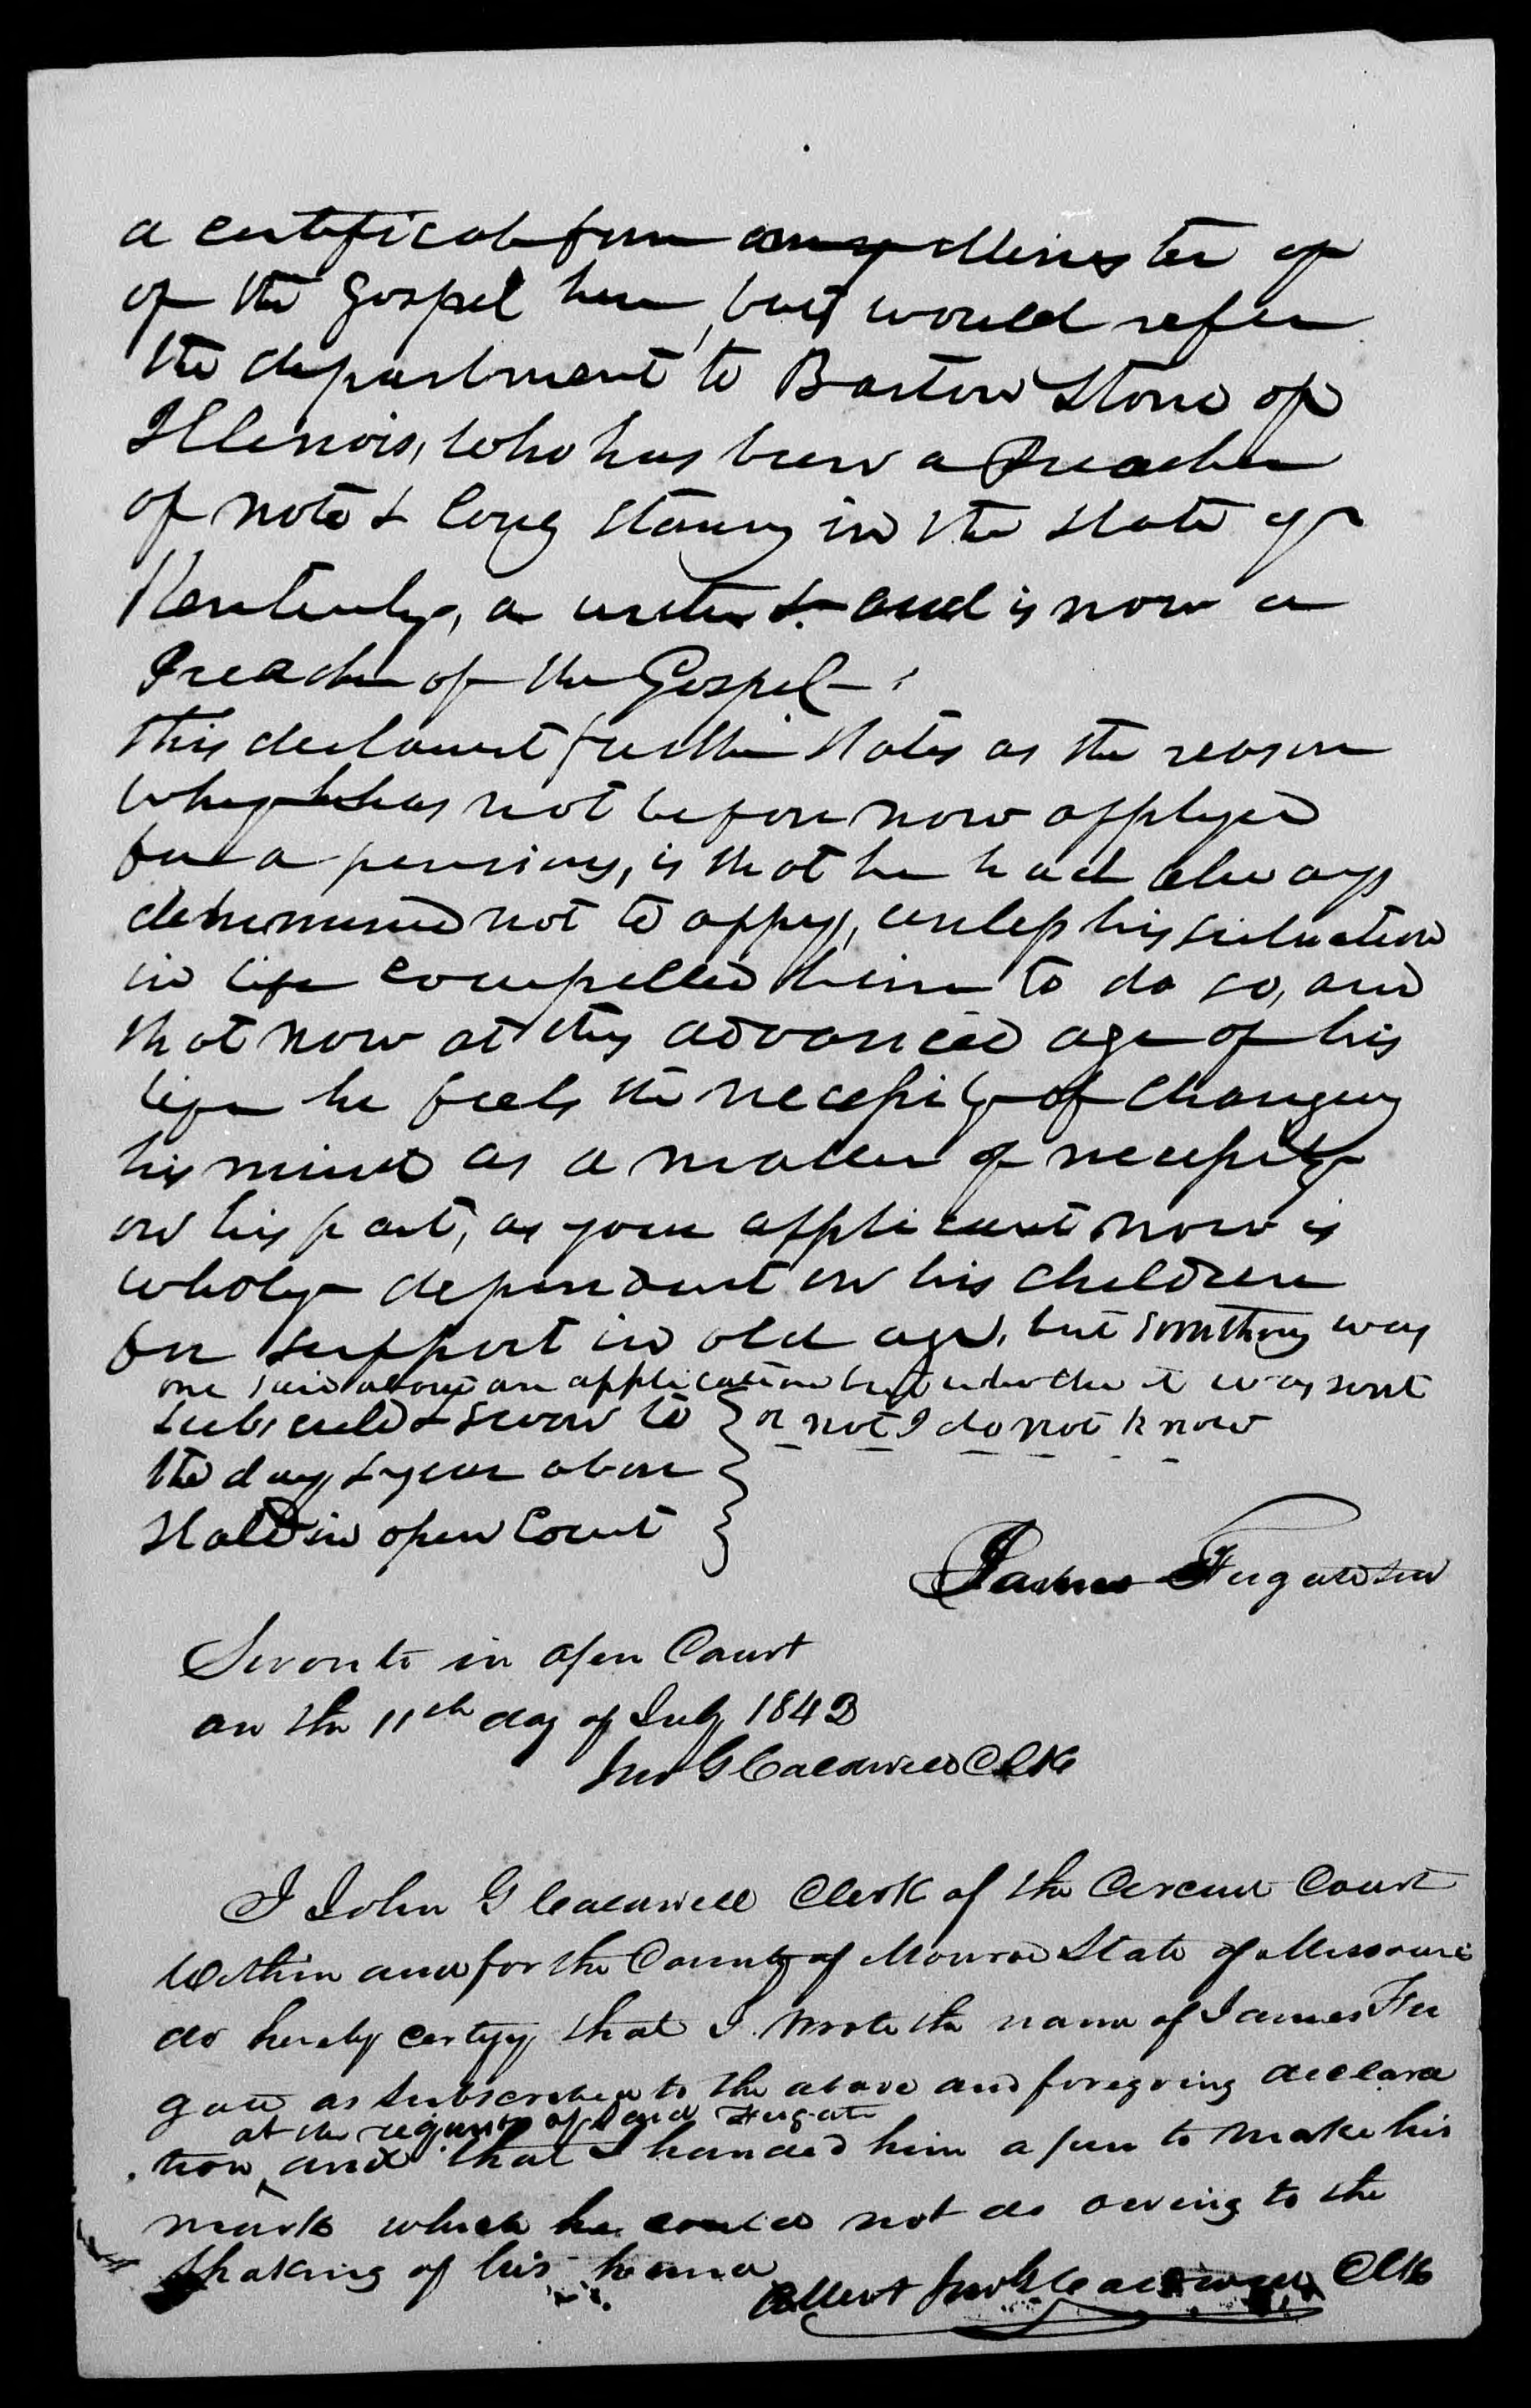a certificate from [illegible] illinois ten of of the gospel have, but would refer the department to Barton Stone of Illinois, who has been a preacher of note [and] long standing in the state of Kentucky, a [illegible] and is now a preacher of the Gospel.
This declarent further states as the reason why he has not before now applyed for a pensions, is that he had always determined not to apply, unless his situation in life compelled him to do so, and that now at this advanced age of his life he feels the necessity of changing his mind as a matter of necessity on his part, as your applicant now is wholy dependent on his children for support in old age, but something was once said about an application but whether I was sent or not I do not know
subscribed and sworn to the day [and] year above stated in open court
[signed] James Fugate Sen
[in another hand] Sworn to in open court on the 11th day of July 1842
[signed] Jno G Caldwell [illegible]
I John G Caldwell cleric of the circuit court within and for the county of Monroe state of Missouri do hereby certify that I wrote the name of James Fugate as subscribed to the above and foregoing declaration [added] at the request of said Fugate and that I handed him a pen to make his marks which he could not do owing to the shaking of his hand
[signed] albert john caldwell [illegible]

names: Jno G Caldwell, James Fugate, Jno G Caldwell, John G Caldwell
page: 12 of 18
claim: survivor's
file: S. 15,846, James Fugate, Va.